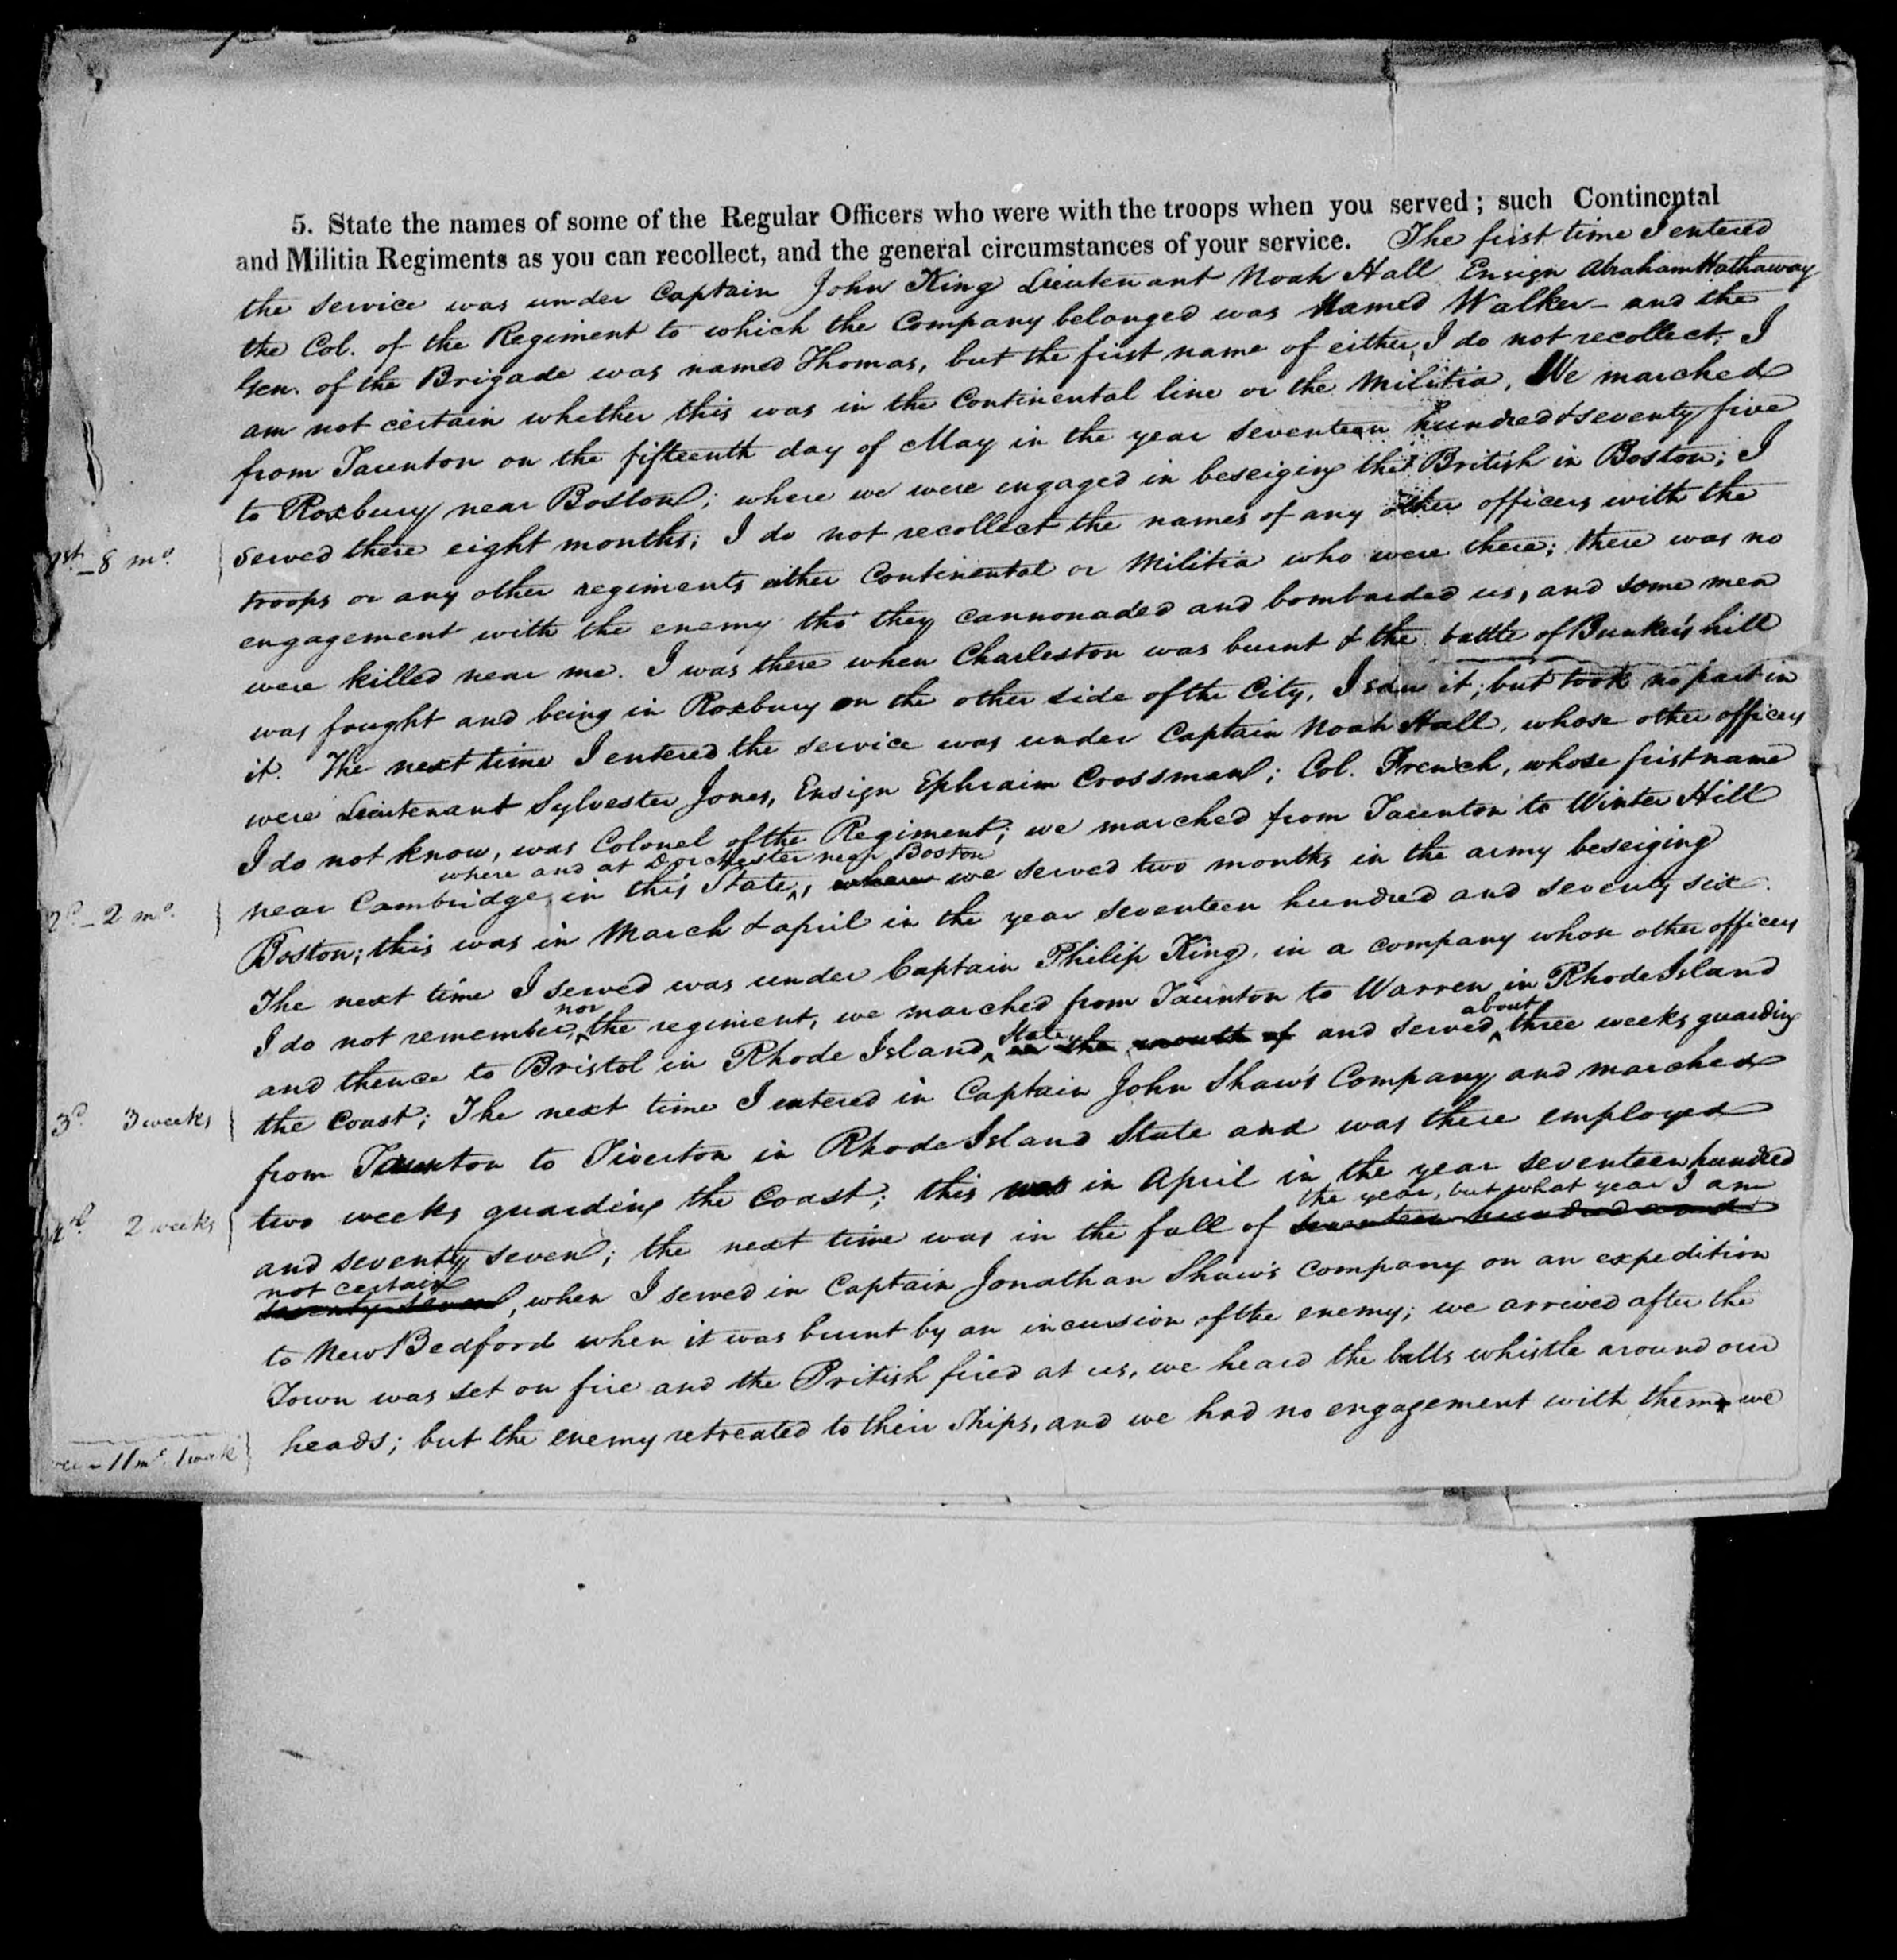5. State the names of some of the Regular Officers who were with the troops when you served; such Continental and Militia Regiments as you can recollect, and the general circumstances of your service. 
The first time I entered the service was under Captain John King Lieutenant Noah Hall Ensign Abraham Hathaway the Col. of the Regiment to which the company belonged was named Walker and the of the Genl of the Brigade was named Thomas, but the first name of either, I do not recollect, I am not certain whether this was in the Continental line or the militia. We marched from Taunton on the fifteenth day of May in the year seventeen hundred & seventy five to Roxbury near Boston; where we were engaged in beseiging the British in Boston, I
served there eight months; I do not recollect the names of any other officers with the
troops or any other regiments either Continental or Militia who were there; there was no engagement with the enemy tho they commanded and bombarded us, and some men were killed near me. I was there when Charleston was burnt & the battle of Bunker's hill was fought and being in Roxbury on the other side of the City, I saw it; but took no part in it. The next time I entered the service was under Captain Noah Hall, whose other officers
were Lieutenant Sylvester Jones, Ensign Ephraim Crossman, Col. French, whose first name I do not know, was Colonel of the Regiment, we marched from Taunton to Winter Hill near Cambridge in this State, where and at Dorchester near Boston how we served two months in the army beseiging Boston; this was in March & April in the year seventeen hundred and seventy six

The next time I served was under Captain Philip King, in a company whose other officers
I do not remember nor the regiment, we marched from Taunton to Warren in Rhode Island and thence to Bristol in Rhode Island State in the month of and served about three weeks guarding the Coast. The next time I entered in Captain John Shaw's Company and marched from Taunton to Tiverton in Rhode Island State and was there employed two weeks guarding the Coast, this was in April the
 year seventeen hundred and seventy seven;  the next time was in the fall  of the year, but what year I am not certain, when I served in Captain Jonathan Shaw's company on an expedition to New Bedford when it was brint by an incursion of the enemy; we arrived after the Town was set on fire and the British fired at us, we heard the balls whistle around our
heads; but the enemy retreated to their ships, and we had no engagement with them we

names: John King, Sylvester Jones, Ephraim Crossman, Walker, Noah Hall, Noah Hall, Philip King, Thomas, French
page: 7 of 36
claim: widow's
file: W. 8838, Elijah Gushee, Mass.